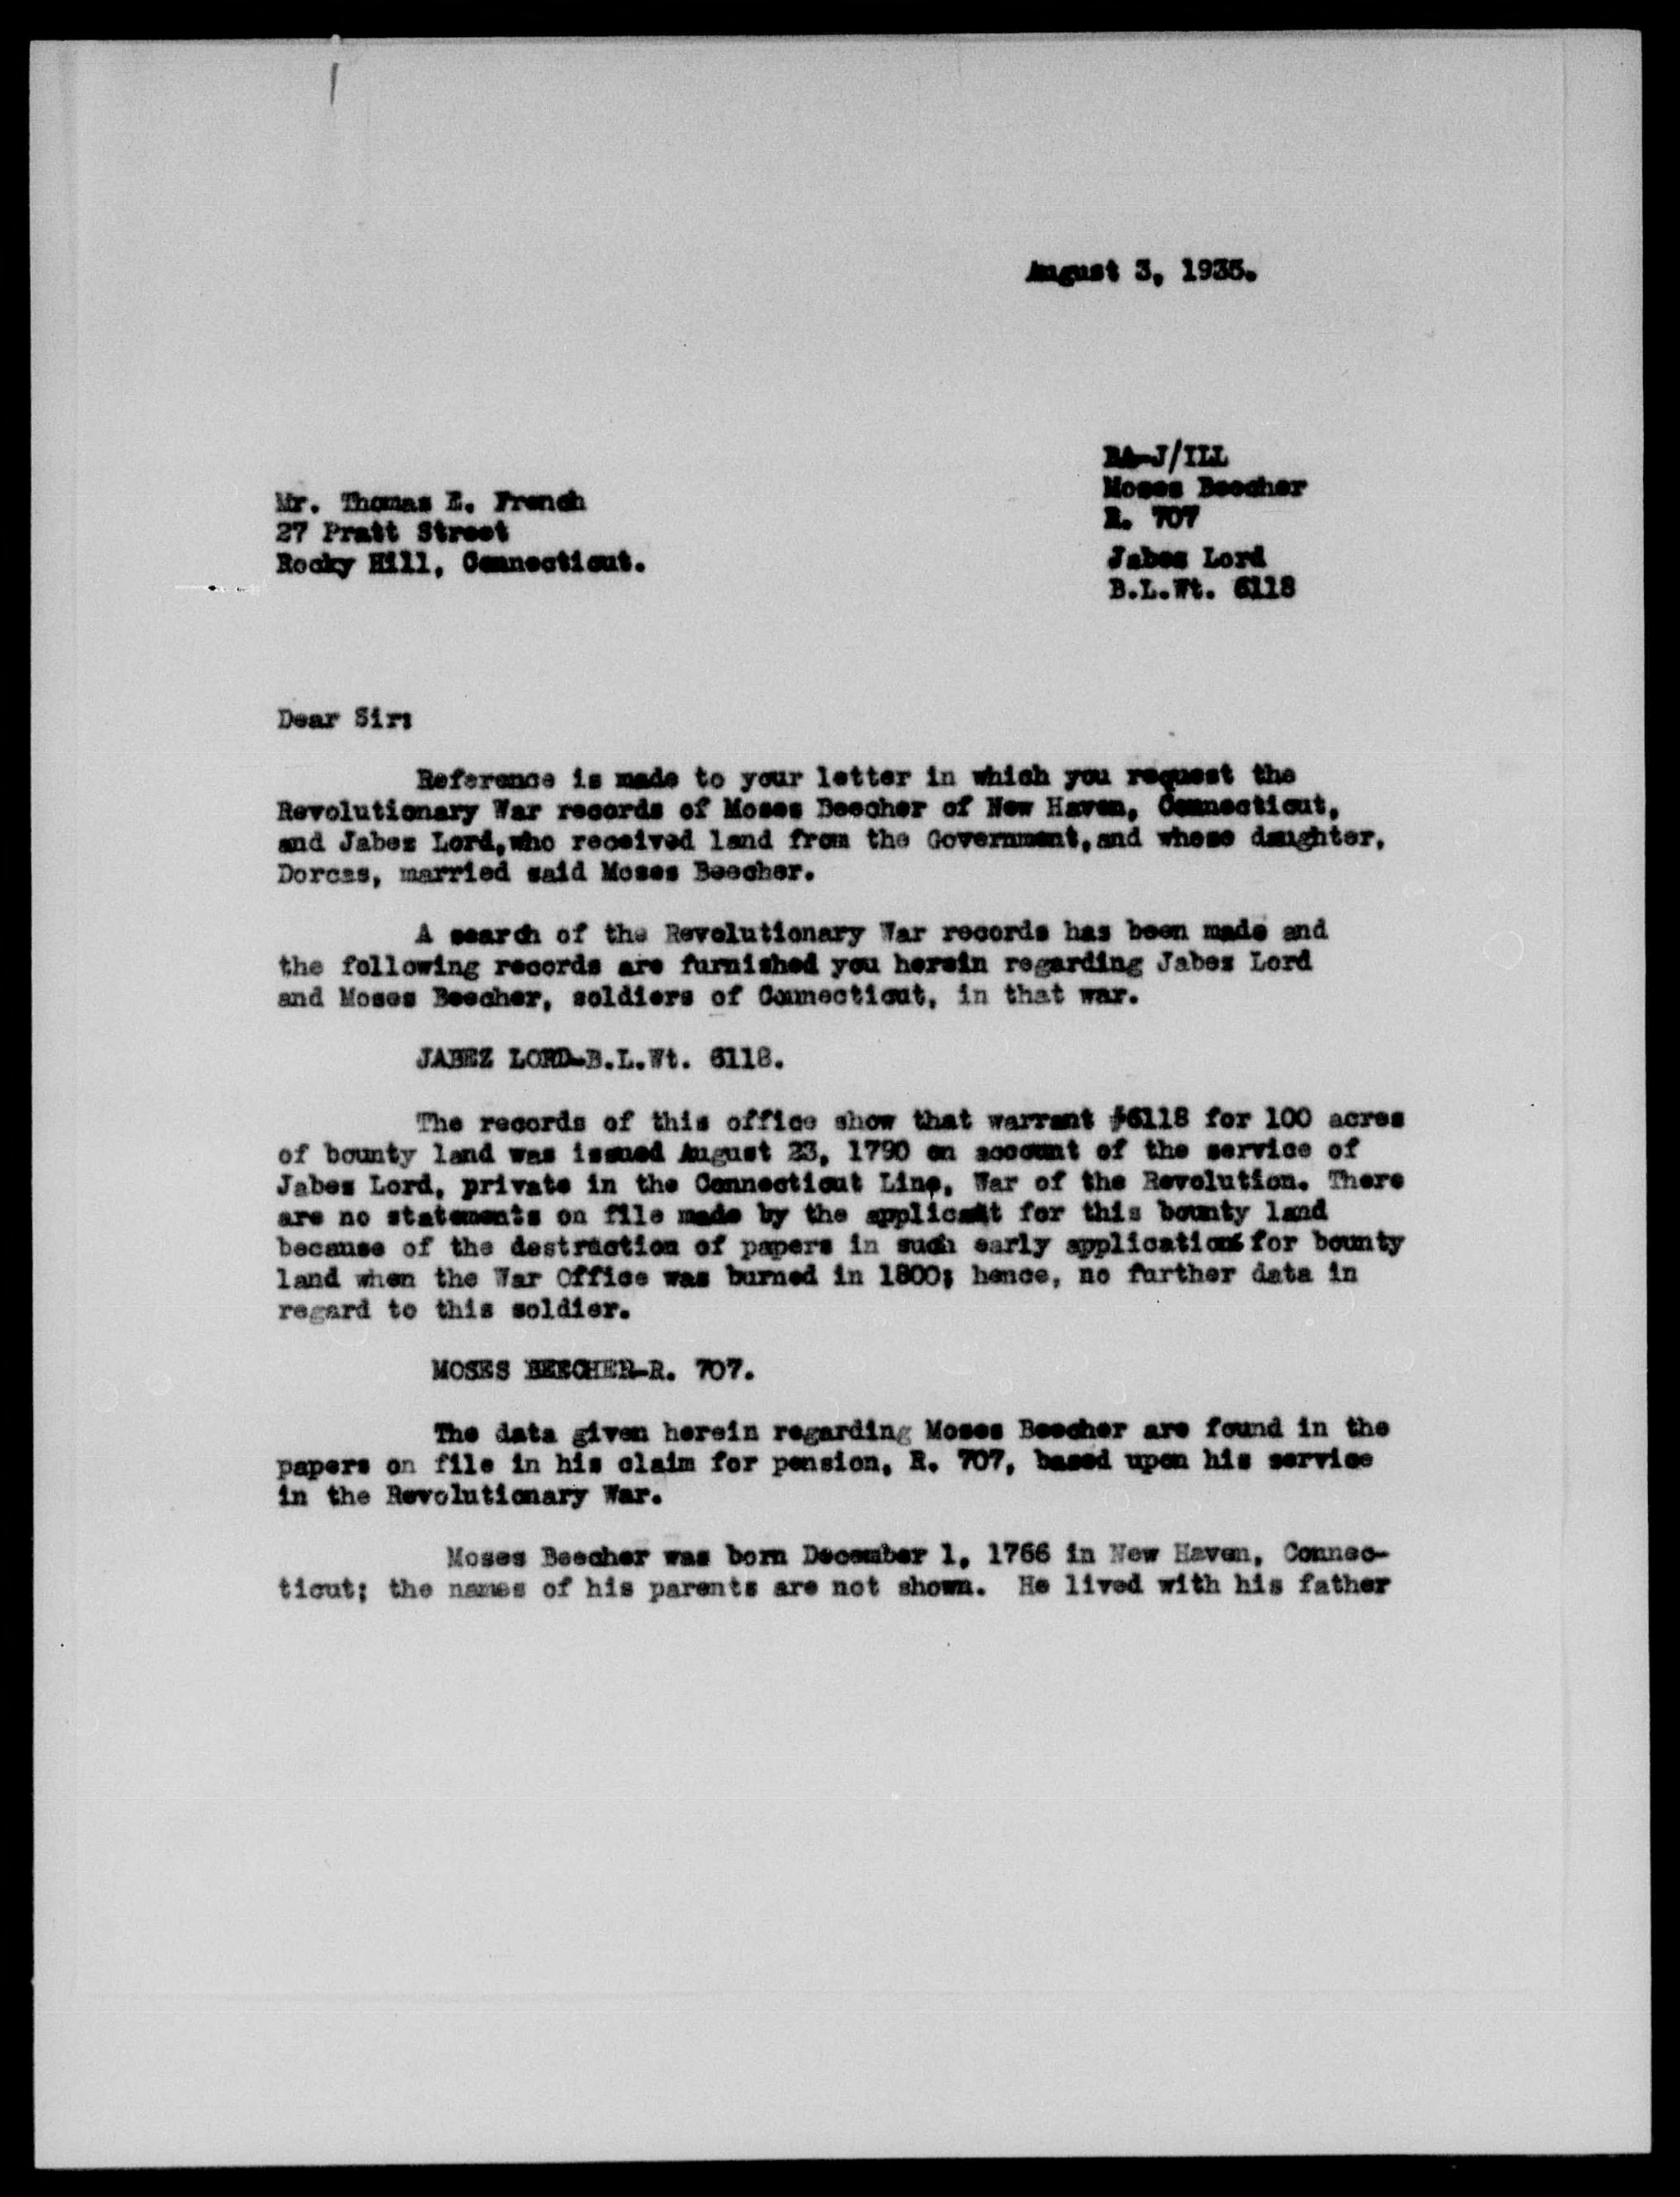RA-J/ILL
Moses Beecher R. 707
Jabez Lord B.L.Wt. 6118

Mr. Thomas E. French
27 Pratt Street
Rocky Hill, Connecticut.
Dear Sir:
Reference is made to your letter in which you request the Revolutionary War records of Moses Beecher of New Haven, Connecticut and Jabez Lord, who received land from the Government, and whose daughter, Dorcas, married said Moses Beecher.
A search of the Revolutionary War records has been made and the following records are furnished you herein regarding Jabez Lord and Moses Beecher, soldiers of Connecticut, in that war.
JABEZ LORD - B.L.Wt. 6118
The records of this office show that warrant #6118 for 100 acres of bounty land was issued August 23, 1790 on account of the service of Jabez Lord, private in the Connecticut Line, War of the Revolution. There are no statements on file made by the applicant for this bounty land because of the destruction of papers in such early applications for bounty land when the War Office was burned in 1800; no further data in regard to this soldier.
MOSES BEECHER - R. 707.
The data given herein regarding Moses Beecher are found in the papers on file in his claim for pension, R. 707, based upon his service in the Revolutionary War.
Moses Beecher was born December 1, 1766 in New Haven, Connecticut; the names of his parents are not shown. He lived with his father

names: Moses Beecher; Jabez Lord; Thomas E French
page: 4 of 5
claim: bounty land warrant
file: B. L. Wt. 6118-100, for Jabez Lord, Connecticut